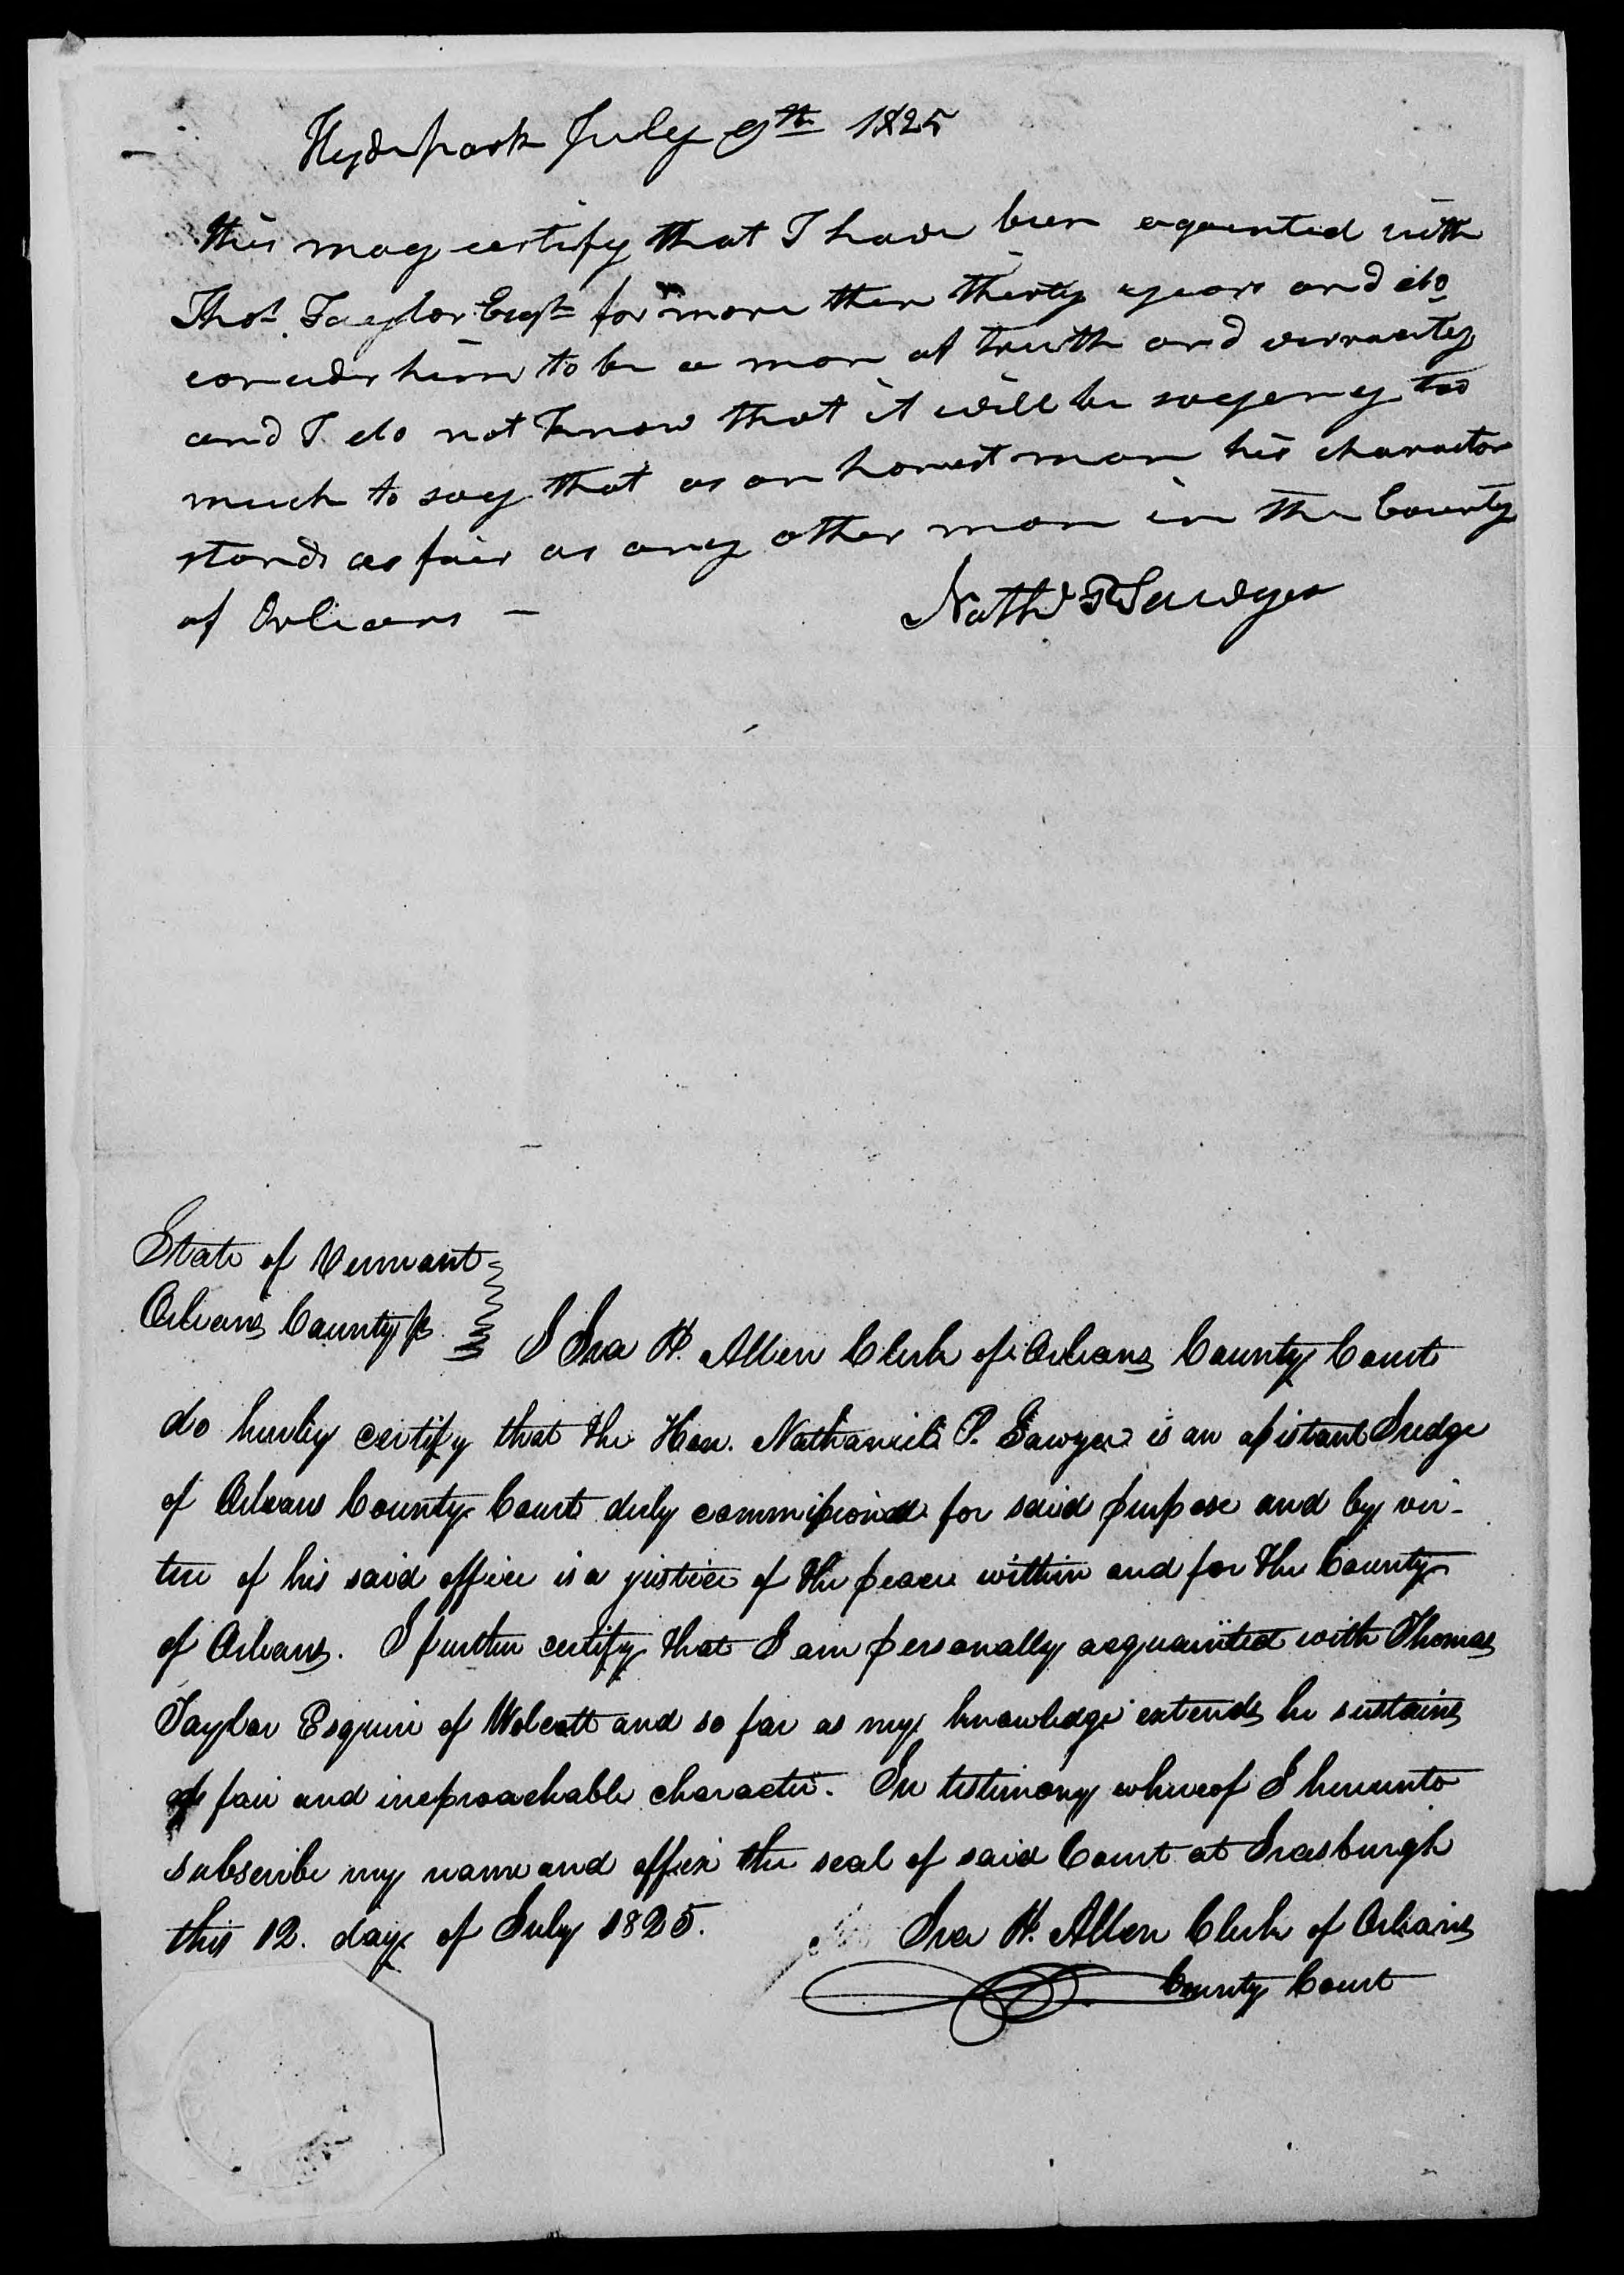Hydepark July 9th 1825

This may certify that I have been acquainted with Tho. Taylor Esqr for more than thirty years and do consider him to be a man of truth and [illegible] and I do not know that it will be saying too much to say that as an honest man his character stands as fair as any other man in the County of Orleans

Nathl P Sawyer

State of Vermont
Orleans County

I Ira H Allen Clerk of Orleans County Court do hereby certify that the Hon. Nathaniel P. Sawyer is an assistant Judge of Orleans County duly commissioned for said purpose and by virtue of his said office is a justice of the peace within and for the County of Orleans.  I further certify that I am personally acquainted with Thomas Taylor Esquire of Wolcott and so far as my knowledge extends he sustains a fair and irreproachable character.  In testimony whereof I hereunto subscribe my name and affix the seal of said Court of Irasburgh this 12 day of July 1825.

Ira H. Allen Clerk of Orleans
County Court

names: Nathl P Sawyer, Thos Taylor, Ira H Allen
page: 108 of 114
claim: widow's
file: W. 2115, Seth Hubbell, Conn.